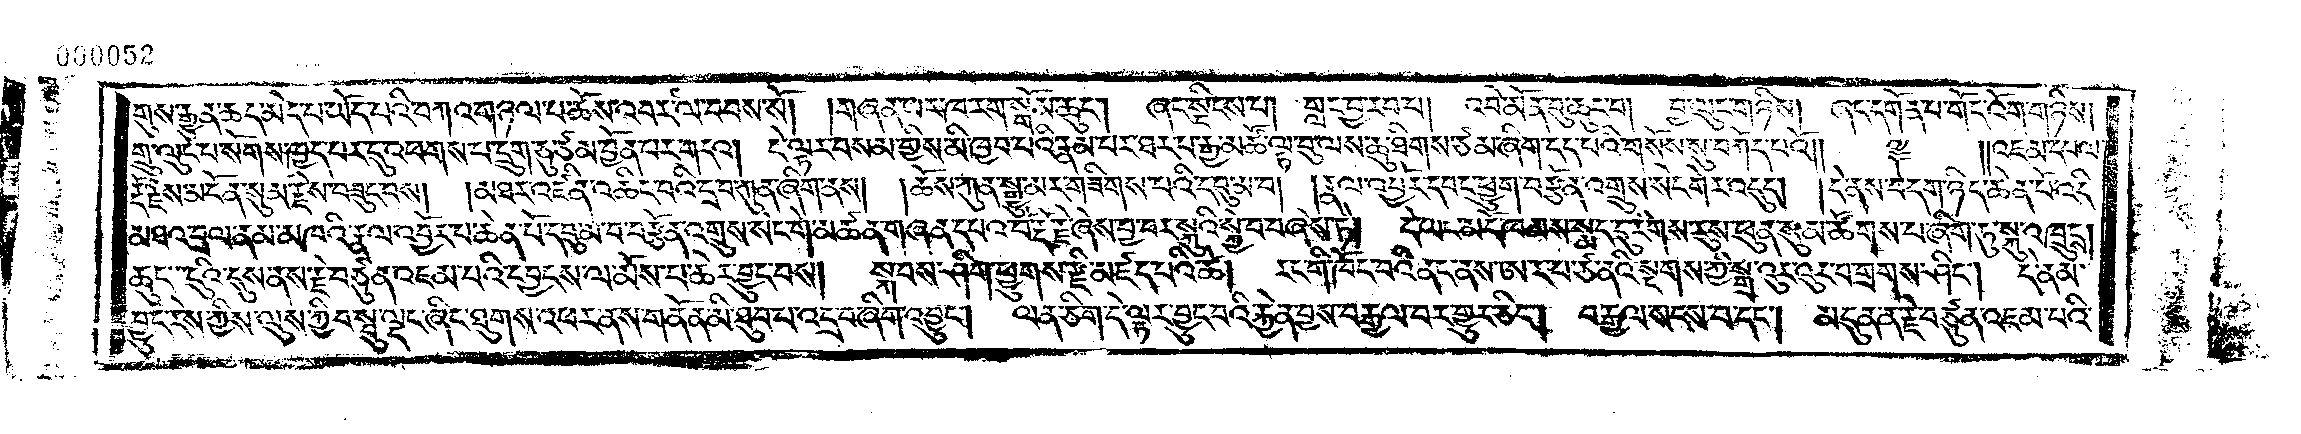གུས་རྒྱུན་ཆད་མེད་པ་ཡོད་པའི་བཀའ་གཉལ་པ་ཆོས་འབར་ལ་བབས་སོ། །གཞན་ཡང་ཁ་རག་སྒོམ་ཆུང་། ཞང་སྡིངས་པ། གླང་བྱ་རབ་པ། འབེ་མོན་བུ་ཆུང་བ། བྱ་ལུང་གཉིས། ཞད་དགོན་པ་གོད་འོག་གཉིས།
གྲུ་ལུང་པ་སོགས་ཁྱད་པར་དུ་འཕགས་པ་དྲུག་ཅུ་ཙམ་བྱོན་པར་གདའ། དེ་ལྟར་བསམ་གྱིས་མི་ཁྱབ་པའི་རྣམ་པར་ཐར་པ་རྒྱ་མཚོ་ལྟ་བུ་ལས་ཆུ་ཐིགས་ཙམ་ཞིག་དད་པའི་གསོས་སུ་བཀོད་པའོ།། ༈ །།འཇམ་དཔལ་
རྡོ་རྗེས་མངོན་སུམ་རྗེས་བཟུང་བས། །མཐར་འཛིན་འཆིང་བའི་དྲ་བ་ཀུན་ཞིག་ནས། །ཆོས་ཀུན་སྒྱུ་མར་གཟིགས་པའི་དབུ་མ་བ། །རྣལ་འབྱོར་དབང་ཕྱུག་བརྩོན་འགྲུས་སེང་གེར་འདུད། །དེ་ནས་བདག་ཉིད་ཆེན་པོ་འདི་
མཐའ་བྲལ་ནམ་མཁའི་རྣལ་འབྱོར་པ་ཆེན་པོ་དབུམ་པ་བརྩོན་འགྲུས་སེང་གེ་མཚན་གཞན་དཔའ་བོ་རྡོ་རྗེ་ཞེས་བྱ་བར་སྐུའི་སྐྱེ་བ་བཞེས་ཏེ། དེ་ཡང་མདོ་ཁམས་སྨད་དུ་རིགས་རུས་ཕུན་སུམ་ཚོགས་པ་ཞིག་ཏུ་སྐུ་འཁྲུངས།
ཆུང་དུའི་དུས་ནས་རྗེ་བཙུན་འཇམ་པའི་དབྱངས་ལ་མོས་པ་ཆེར་བྱུང་བས། སྐབས་ཤིག་ཕྱུགས་རྫི་མཛད་པའི་ཚེ། རང་གི་ཁོད་བའི་ནང་ནས་ཨ་ར་བ་ཙ་ནའི་སྔགས་ཀྱི་སྒྲ་འུར་འུར་བ་གྲགས་ཤིང་། དེ་ནམ་
བྱུང་རེས་ཀྱིས་ལུས་ཀྱི་བ་སྦུ་ལྡང་ཞིང་ཐུགས་འཕར་ནས་གནོན་མི་ཐུབ་པ་འདྲ་བ་ཞིག་འབྱུང་། ལན་ཅིག་དེ་ལྟར་བྱུང་བའི་རྐྱེན་བྱས་བརྒྱལ་བར་གྱུར་ཅིང་། བརྒྱལ་སངས་པ་དང་། མདུན་ན་རྗེ་བཙུན་འཇམ་པའི་